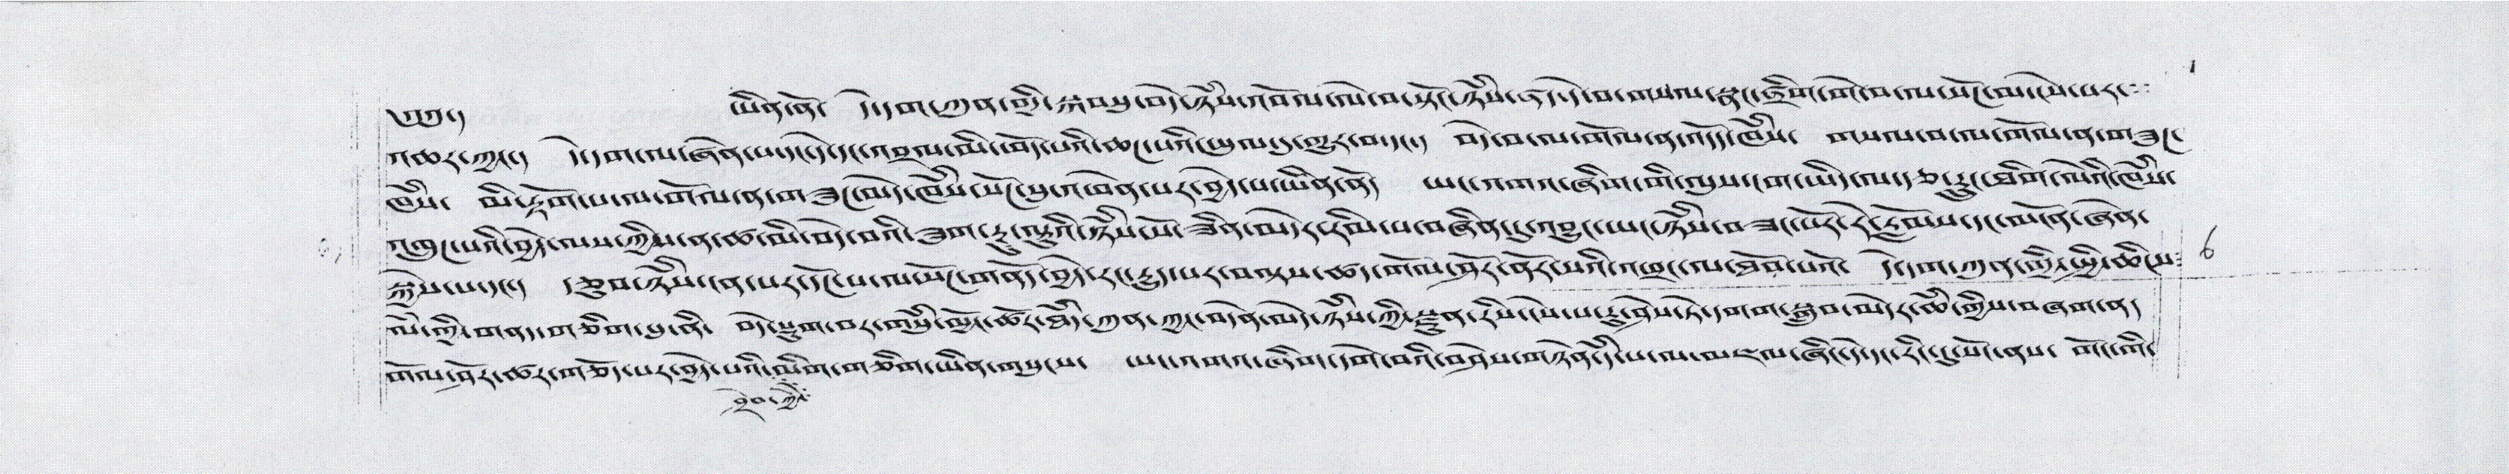ཡིན་ནོ། དེ་དག་ཀུན་གྱི་སྐབས་སུ་བདེ་ཉམས་འབོལ་ལེ་བ་སྟོང་ཉམས་ཧད་དེ་བ། གསལ་སྣང་ཧྲིག་གེ་བ་ལ་སོགས་མ་ངེས་པར་
འཆར་ཀྱང་། དེ་དག་ལ་ཞེན་པ་དང་དེ་དང་འབྲལ་མི་ཕོད་པའི་ཆགས་པའི་ཡུལ་དུ་གྱུར་པ་དང་། བདེ་ལ་གོལ་ན་འདོད་ཁམས། གསལ་བ་ལ་གོལ་ན་གཟུགས་
ཁམས། མི་རྟོག་པ་ལ་གོལ་ན་གཟུགས་མེད་ཁམས་སོགས་སུ་འཕེན་པར་བྱེད་པ་ཡིན་ནོ། ཡང་འགའ་ཞིག་གིས་ལུས་ངག་ཡིད་ལ་རྩ་རླུང་ཐིག་ལེའི་ཁམས་
འཁྲུག་པའི་བྱེད་ལས་ཀྱིས་ན་ཚ་མི་བདེ་བའི་ཟུག་རྔུ་ལྟ་བུའི་ཉམས་སོ་ཟིན་མེད་པར་རིམ་པ་བཞིན་དུ་འབྱུང་ཡང་ཉམས་བཟང་པོར་རེ་རློམས་དང་མངོན་ཞེན་
སྐྱེས་པ་དང་། རྩུབ་ཉམས་ངན་པར་དྭོགས་པ་ལ་སོགས་གནོད་བྱེད་རང་རྒྱུད་པར་བལྟས་ཚད་གོལ་ཤོར་ནོར་སའི་འཕྲང་ལ་ཐོབ་པའོ། དེ་དག་ཀུན་གྱི་སྤྱི་ཆིངས་
ལམ་གྱི་གནད་གཅིག་པུ་ནི། བདེ་སྡུག་བར་གསུམ་མྱོང་ཚོར་ཐམས་ཅད་ཀུན་ཀྱང་བདེན་མེད་ཉམས་ཀྱི་རྫུན་རིས་ངེས་པ་རུ་ཤེས་ཏེ་དགག་སྒྲུབ་མེད་པར་ལམ་གྱིས་བཞག་ན་
གོལ་ཤོར་ཚར་གཅོད་པར་བྱེད་པའི་ཤེས་རབ་ཀྱི་མིག་གཅིག་ཡིན་གསུངས། ཡང་འགའ་ཞིག་དགེ་བའི་བཤེས་གཉེན་དམ་པ་མ་འཇལ་ཞིང་དེ་དང་རིང་དུ་སོང་ནས། གོང་གི་